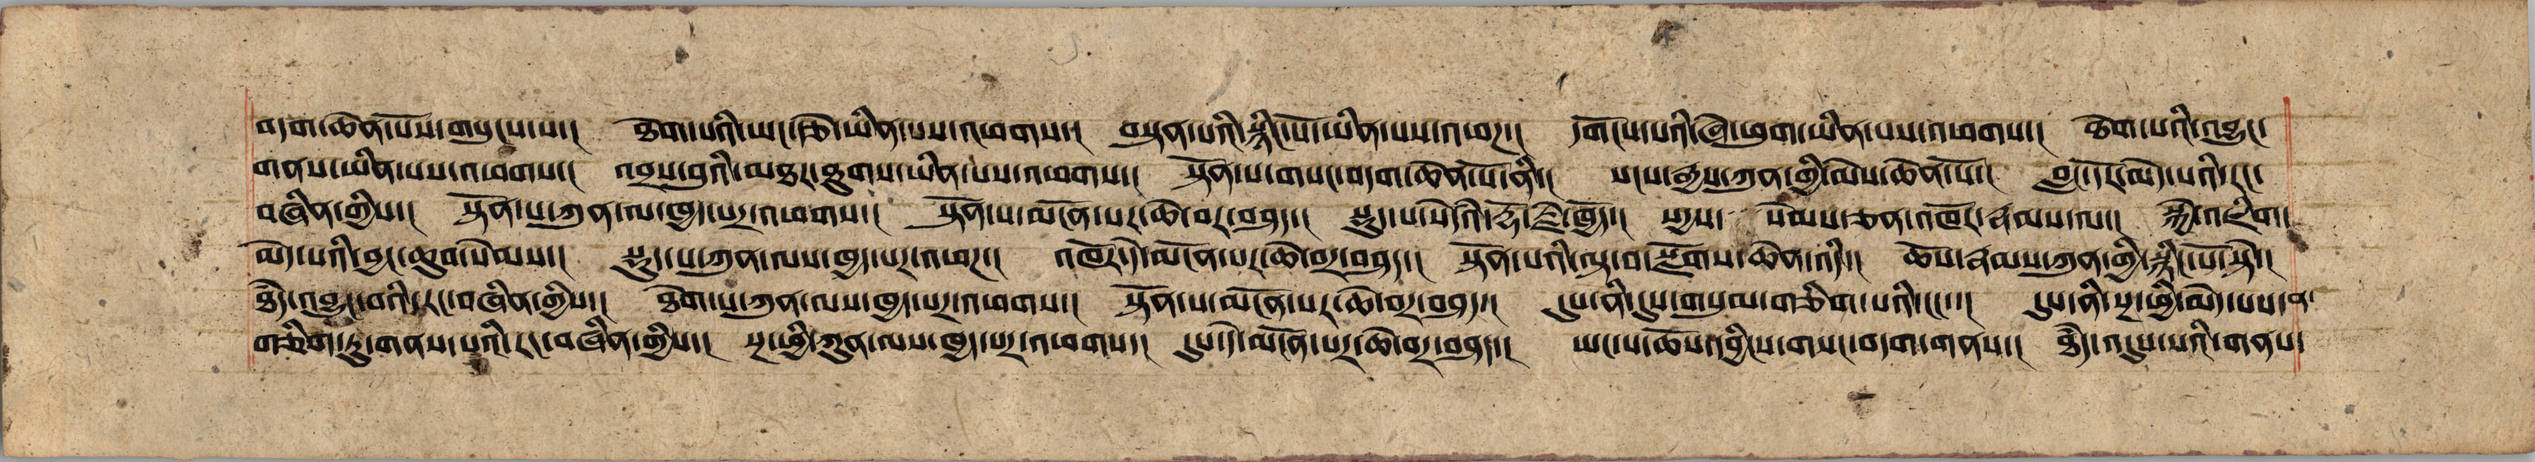བདག་ཆེན་པོས་གསུངས་པ་། ཐེག་པའི་ཡང་རྩེ་ཡིན་པས་འཕགས་། བསྟན་པའི་སྙིང་པོ་ཡིན་པས་འཕཌ་། དགོངས་པའི་ཞེ་ཕུག་་ཡིན་པས་འཕགས་། ཐེག་པའི་འབྱུང་
གནས་ཡིན་པས་འཕགས་། འབྲས་བུའི་མཐར་ཐུགས་ཡིན་པས་འཕགས་། སྟོན་པ་གསང་བདག་ཆེན་པོ་ནི་། སངས་རྒྱས་ཀུན་གྱི་མེས་ཆེན་པོ་། བླང་དོར་མེད་པའི་རང་
བཞིན་གྱིས་། སྟོན་པ་ཀུན་ལ་ཁྱད་པར་འཕགས་། སྟོན་པ་མངོན་པར་ཆེ་བར་བཤད་། སྡུད་པ་སེདཾའ་རྡོ་རྗེ་ཁྱོད་། སདྱས་ སེམས་ཅན་འཁོར་རྣམས་ལ་། སྐྱེ་འཇིག་
མེད་པའི་བྱང་ཆུབ་སེམས་། སྡུད་པ་ཀུན་ལས་ཁྱད་པར་འཕཌ་། འཁོར་དེ་མངོན་པར་ཆེ་བར་བཤད་། སྟོན་པའི་ལྟ་བ་སྫོགས་ཆེན་འདི་། ཆོས་རྣམས་ཀུན་གྱི་སྙིང་པོ་སྟེ་།
ཐཾད་འབྱུང་བའི་རང་བཞིན་གྱིས་། ཐེག་པ་ཀུན་ལས་ཁྱད་པར་འཕགས་། སྟོན་པ་མངོན་པར་ཆེ་བར་བཤད་། དུས་ནི་དུས་གསུམ་གཅིག་པའི་ངང་་། དུས་ནི་སྔ་ཕྱི་མེད་པས་ན་
གཅིག་ཏུ་གནས་པའི་རང་བཞིན་གྱིས་། སྔ་ཕྱི་ཀུན་ལས་ཁྱད་པར་འཕགས་། དུས་དེ་མངོན་པར་ཆེ་བར་བཤད་། ཡང་པ་ཆོས་དབྱིངས་གསང་བདག་གནས་། ཐཾད་འདུས་པའི་གནས་